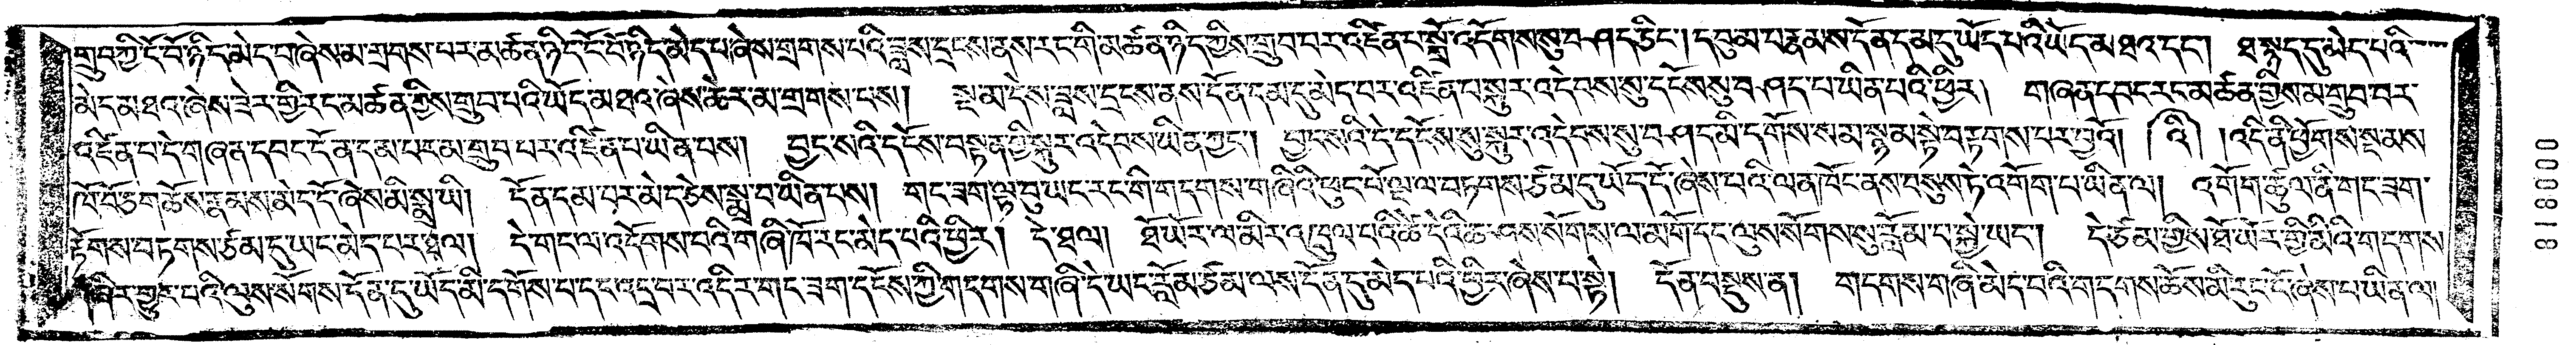གྲུབ་ཀྱི་ངོ་བོ་ཉིད་མེད་པ་ཞེས་མ་གྲགས་པར་མཚན་ཉིད་ངོ་བོ་ཉིད་མེད་པ་ཞེས་གྲགས་པའི་ཟླས་དྲངས་ནས་རང་གི་མཚན་ཉིད་ཀྱིས་གྲུབ་པར་འཛིན་པ་སྒྲོ་འདོགས་སུ་བཤད་ཅིང་། དབུ་མ་པ་རྣམས་དོན་དམ་དུ་ཡོད་པའི་ཡོད་མཐའ་དང་། ཐ་སྙད་དུ་མེད་པའི་
མེད་མཐའ་ཞེས་ཟེར་གྱི་རང་མཚན་གྱིས་གྲུབ་པའི་ཡོད་མཐའ་ཞེས་ཆེར་མ་གྲགས་པས། སྔ་མ་དེས་ཟླས་དྲངས་ནས་དོན་དམ་དུ་མེད་པར་འཛིན་པ་སྐུར་འདེབས་སུ་དངོས་སུ་བཤད་པ་ཡིན་པའི་ཕྱིར། གཞན་དབང་རང་མཚན་གྱིས་མ་གྲུབ་པར་
འཛིན་པ་དེ་གཞན་དབང་དོན་དམ་པར་མ་གྲུབ་པར་འཛིན་པ་ཡིན་པས། བྱང་སའི་དངོས་བསྟན་གྱི་སྐུར་འདེབས་ཡིན་ཀྱང་། བྱང་སའི་དེ་དངོས་སུ་སྐུར་འདེབས་སུ་བཤད་མི་དགོས་སམ་སྙམ་སྟེ་བརྟགས་པར་བྱའོ། ༼འི༽ །འདི་ནི་ཕྱོགས་སྔ་མས་
ཁོ་བོ་ཅག་ཆོས་རྣམས་མེད་དོ་ཞེས་མི་སྨྲ་ཡི། དོན་དམ་པར་མེད་ཅེས་སྨྲ་བ་ཡིན་པས། གང་ཟག་ལྟ་བུ་ཡང་རང་གི་གདགས་གཞིའི་ཕུང་པོ་ལྔ་ལ་བཏགས་ཙམ་དུ་ཡོད་དོ་ཞེས་པའི་ལན་ཁོང་ནས་བསུས་ཏེ་འགོག་པ་ཡིན་ལ། འགོག་ཚུལ་ནི་གང་ཟག་
རྟོགས་བཏགས་ཙམ་དུ་ཡང་མེད་པར་ཐལ། དེ་གང་ལ་འདོགས་པའི་གཞི་ཁོ་རང་མེད་པའི་ཕྱིར། དེ་ཐལ། ཐོ་ཡོར་ལ་མིར་འཁྲུལ་པའི་ཚེ་དེའི་ཆ་ཤས་སོགས་ལ་མགོ་དང་ལུས་སོགས་སུ་རློམ་པ་སྐྱེ་ཡང་། དེ་ཙམ་གྱིས་ཐོ་ཡོར་གྱི་མིའི་གདགས་
གཞིར་གྱུར་པའི་ལུས་སོགས་དོན་དུ་ཡོད་མི་དགོས་པ་དང་འདྲ་བར་འདིར་གང་ཟག་དངོས་ཀྱི་གདགས་གཞི་དེ་ཡང་རློམ་ཙམ་ལས་དོན་དུ་མེད་པའི་ཕྱིར་ཞེས་པ་སྟེ། དོན་བསྡུས་ན། གདགས་གཞི་མེད་པའི་གདགས་ཆོས་མི་རུང་ངོ་ཞེས་པ་ཡིན་ལ།